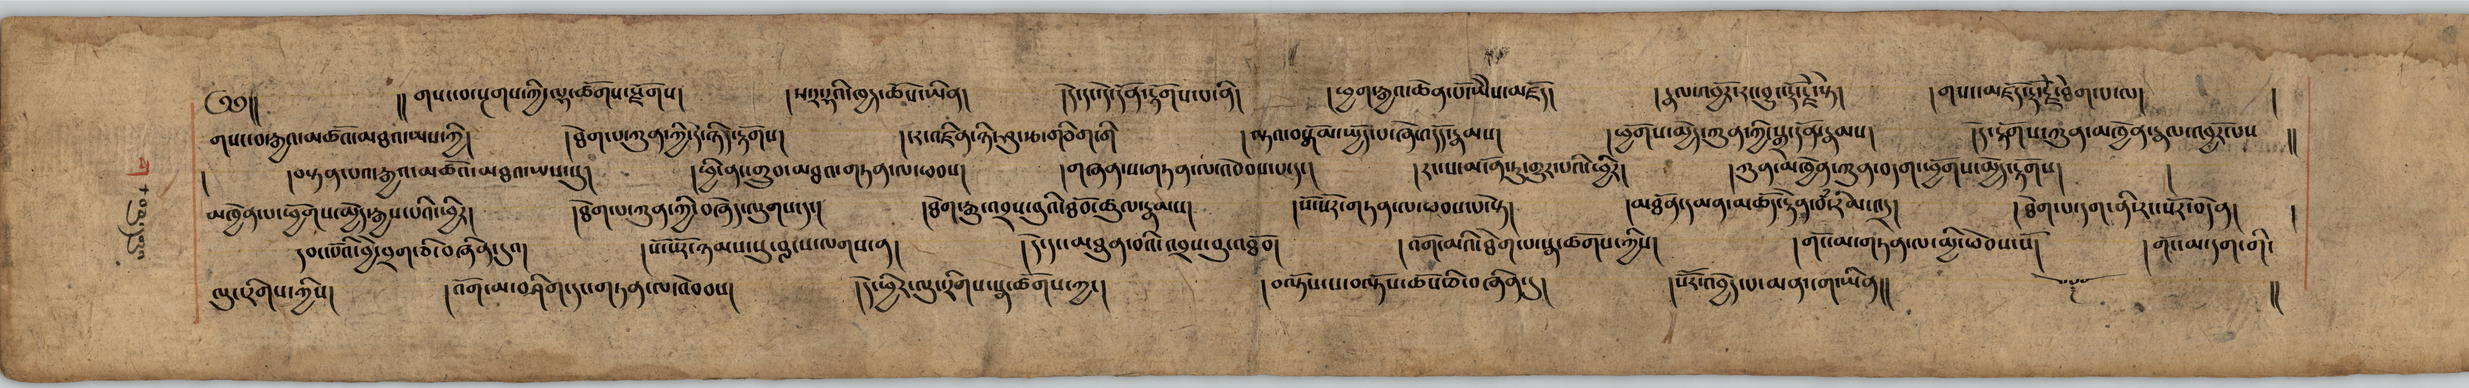༄༅།། །།གསང་བ་སྔགས་ཀྱི་ལྷ་ཚོགས་སྫོགས། །ས་ར་ཧའི་ཁྱད་ཆོས་ཡིན། །དེ་དང་དེ་དོན་རྟོགས་པ་ནི། །ཕྱག་རྒྱའ་ཆེན་པོ་ཡཻས་མཛོད། །རྣལ་འབྱོར་རང་བྱུང་རྡོ་རྗེ་སྟེ། །གསང་མཛོད་རྡོ་རྗེ་ཐེག་པ་ལ།
གསང་བ་རྒྱའ་མཚོའ་མཐའ་ཡས་ཀྱི། །ཐེག་པ་ཀུན་ཀྱི་དེ་ཉིད་རྟོགས། །ངར་འཛིན་ཉི་ཤུ་རྩ་གཅིག་གི །ལྟའ་བསྒོམ་སྤྱོད་པ་ཞེ་འདོད་རྣམས། །ཕྱོགས་མྱེད་ཀུན་ཀྱི་སྒྲ་དོན་རྣམས། །དེ་རྟོགས་ཀུན་མཁྱེན་རྣལ་འབྱོར་པས
།བསྟན་པའ་རྒྱའ་མཚོའ་མཐའ་ཡས་སུ། །ཕྱི་ནང་གྲུབ་མཐའ་གཏན་ལ་ཕབས། །གཞན་ས་གཏན་ལ་འབེབས་པ་དང། །རང་ས་མངོན་ཏུ་གྱུར་པའི་ཕྱིར། །ཀུན་མཁྱེན་ཀུན་བདག་ཕྱོགས་མྱེད་རྟོགས། །
མཁྱེན་པ་ཕྱོགས་མྱེད་རྒྱས་པའི་ཕྱིར། །ཐེག་པ་ཀུན་ཀྱི་བཞེད་ལུགས་དང། །ཐེག་རྒྱུ་འབྲས་བུའི་ཐོབ་ཚཱུལ་རྣམས། །སོ་སོར་གཏན་ལ་ཕབས་པ་སྟེ། །མཐོན་དམན་མཆོད་རྟེན་བཾ་རིམ་འདྲ། །ཐེག་པ་དག་ནི་རང་སོར་བདེན།
དབང་པོའི་བྱེ་བྲག་ཅི་བཞིན་དུའ། །སོ་སོར་ཉམས་སུ་བླངས་ལགས་ན། །དེ་དང་མཐུན་བའི་འབྲས་བུ་འཐོབ། །འོག་མའི་ཐེག་པ་སྣ་ཚོགས་ཀྱིས། །གོང་མ་གཏན་ལ་མྱི་ཕེབས་སོ། །གོང་མ་དག་གི་
ལུང་རིགས་ཀྱིས། །འོག་མིན་བཤིག་དང་གཏན་ལ་འབེབས། །དེ་ཕྱིར་ལུང་རིགས་སྣ་ཚོགས་ཀྱང། །བལྟོས་ས་བལྟོས་ཆོས་ཅི་བཞིན་དུ། །སཽར་འབྱེད་པ་མན་ངག་ཡིན